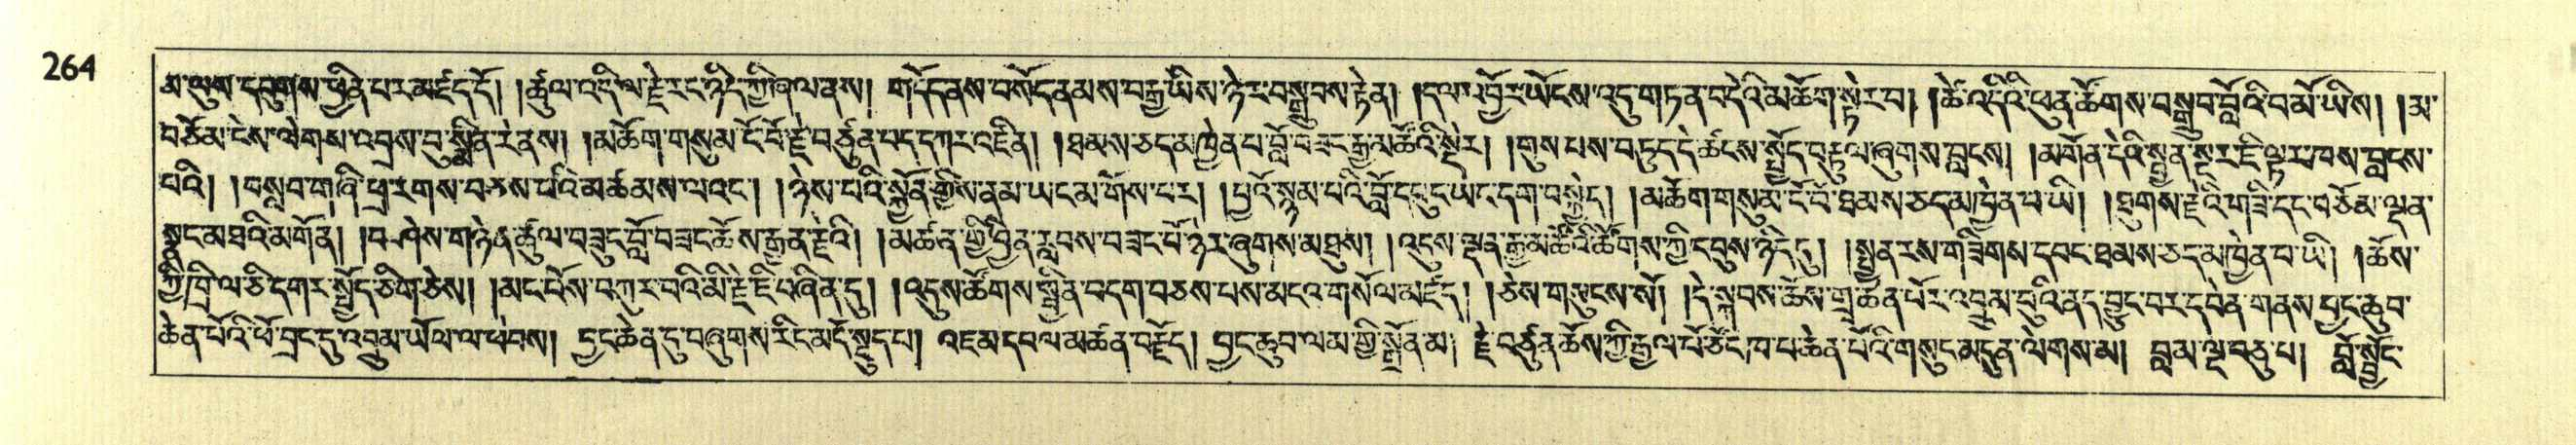མ་ལུས་དབུགས་ཕྱིན་པར་མཛད་དོ། །ཚུལ་འདི་ལ་རྗེ་རང་ཉིད་ཀྱི་ཞལ་ནས། གདོད་ནས་བསོད་ནམས་བརྒྱ་ཡིས་ཉེར་བསྒྲུབས་རྟེན། །དལ་འབྱོར་ཡོངས་འདུ་གཏན་བདེའི་མཆོག་སྟེར་བ། །ཚེ་འདིའི་ཕུན་ཚོགས་བསྒྲུབ་བློའི་བ་མོ་ཡིས། །མ་
བཅོམ་ངེས་ལེགས་འབྲས་བུ་སྨིན་རེ་ནས། །མཆོག་གསུམ་ངོ་བོ་རྗེ་བཙུན་པད་དཀར་འཛིན། །ཐམས་ཅད་མཁྱེན་པ་བློ་བཟང་རྒྱ་མཚོའི་སྡེར། །གུས་པས་བཏུད་དེ་ཚངས་སྤྱོད་བརྟུལ་ཞུགས་བླངས། །མགོན་དེའི་སྤྱན་སྔར་ཇི་ལྟར་ཁས་བླངས་
པའི། །བསླབ་གཞི་ཕྲ་རགས་བཅས་པའི་མཚམས་ལའང་། །ཉེས་པའི་སྐྱོན་གྱིས་ནམ་ཡང་མ་གོས་པར། །བྱའོ་སྙམ་པའི་བློ་དཔུང་ཡང་དག་བསྐྱེད། །མཆོག་གསུམ་ངོ་བོ་ཐམས་ཅད་མཁྱེན་པ་ཡི། །ཐུགས་རྗེའི་གཟི་དང་བཅོམ་ལྡན་
སྣང་མཐའི་མགོན། །བཤེས་གཉེན་ཚུལ་བཟུང་བློ་བཟང་ཆོས་རྒྱན་རྗེའི། །མཚན་གྱི་བྱིན་རླབས་བཟང་པོ་ཉེར་ཞུགས་མཐུས། །འདུས་ལྡན་རྒྱ་མཚོའི་ཚོགས་ཀྱི་དབུས་ཉིད་དུ། །སྤྱན་རས་གཟིགས་དབང་ཐམས་ཅད་མཁྱེན་པ་ཡི། །ཆོས་
ཀྱི་ཁྲི་ལ་ཅི་དགར་སྤྱོད་ཅིག་ཅེས། །མང་པོས་བཀུར་བའི་མི་རྗེ་ཇི་བཞིན་དུ། །འདུས་ཚོགས་སྦྱིན་བདག་བཅས་པས་མངའ་གསོལ་མཛད། །ཅེས་གསུངས་སོ། །དེ་སྐབས་ཆོས་གྲྭ་ཚན་པོར་འབྲུམ་བུའི་ནད་བྱུང་བར་དབེན་གནས་བྱང་ཆུབ་
ཆེན་པོའི་ཕོ་བྲང་དུ་འབྲུམ་ཡོལ་ལ་ཕེབས། བྱང་ཆེན་དུ་བཞུགས་རིང་མདོ་སྡུད་པ། འཇམ་དཔལ་མཚན་བརྗོད། བྱང་ཆུབ་ལམ་གྱི་སྒྲོན་མ། རྗེ་བཙུན་ཆོས་ཀྱི་རྒྱལ་པོ་ཙོང་ཁ་པ་ཆེན་པོའི་གསུང་མདུན་ལེགས་མ། བླ་མ་ལྔ་བཅུ་པ། བློ་སྦྱོང་